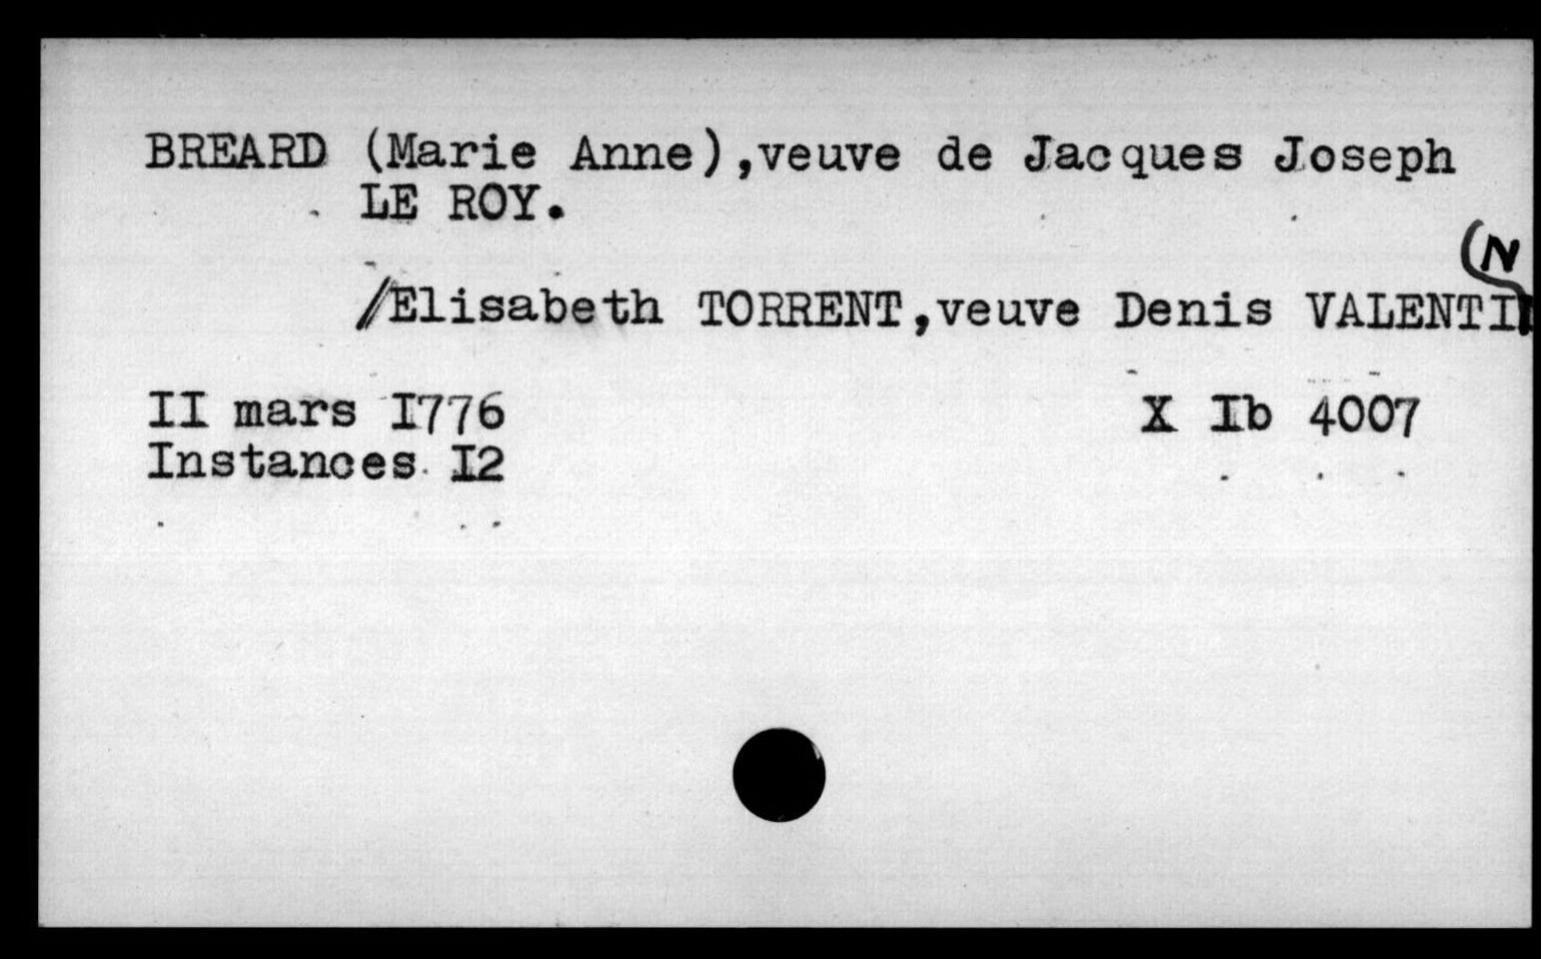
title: BREARD (Marie Anne), veuve de Jacques Joseph LE ROY.
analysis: Contre Élisabeth TORRENT, veuve Denis VALENTIN
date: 11 mars 1776
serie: X1b
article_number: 4007
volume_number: Instances, 12
